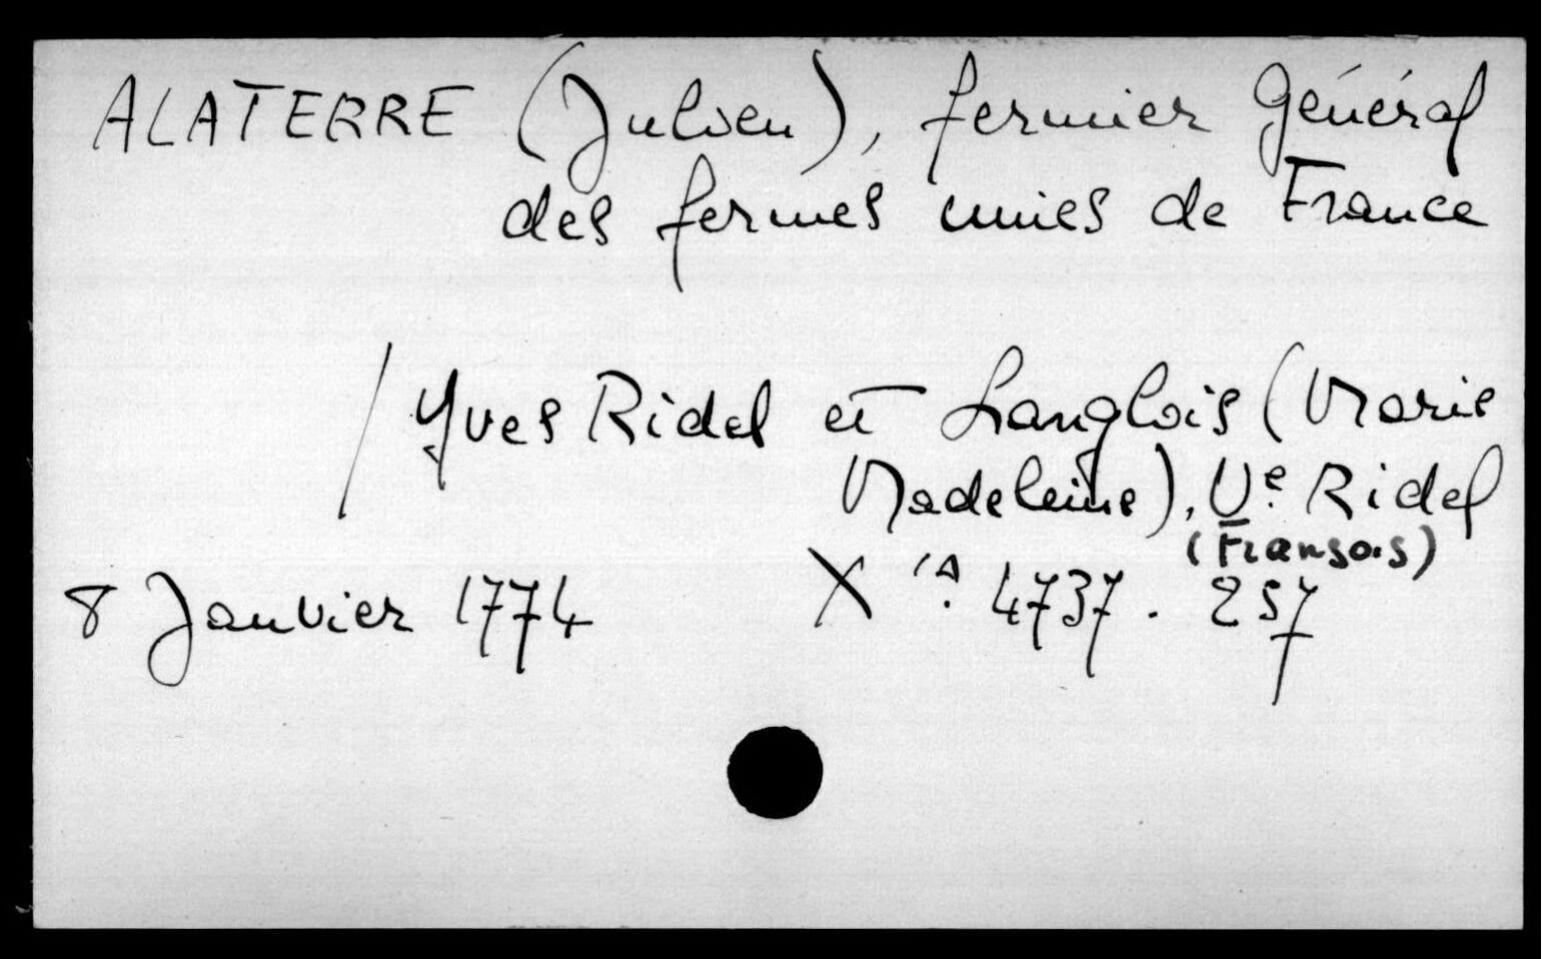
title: ALATERRE (Julien), Fermier général des fermes unies de France
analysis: Contre Yves Ridel et Langlois (Marie Madeleine), Veuve Ridel (François)
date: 8 janvier 1774
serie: X1A
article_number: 4737
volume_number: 257
